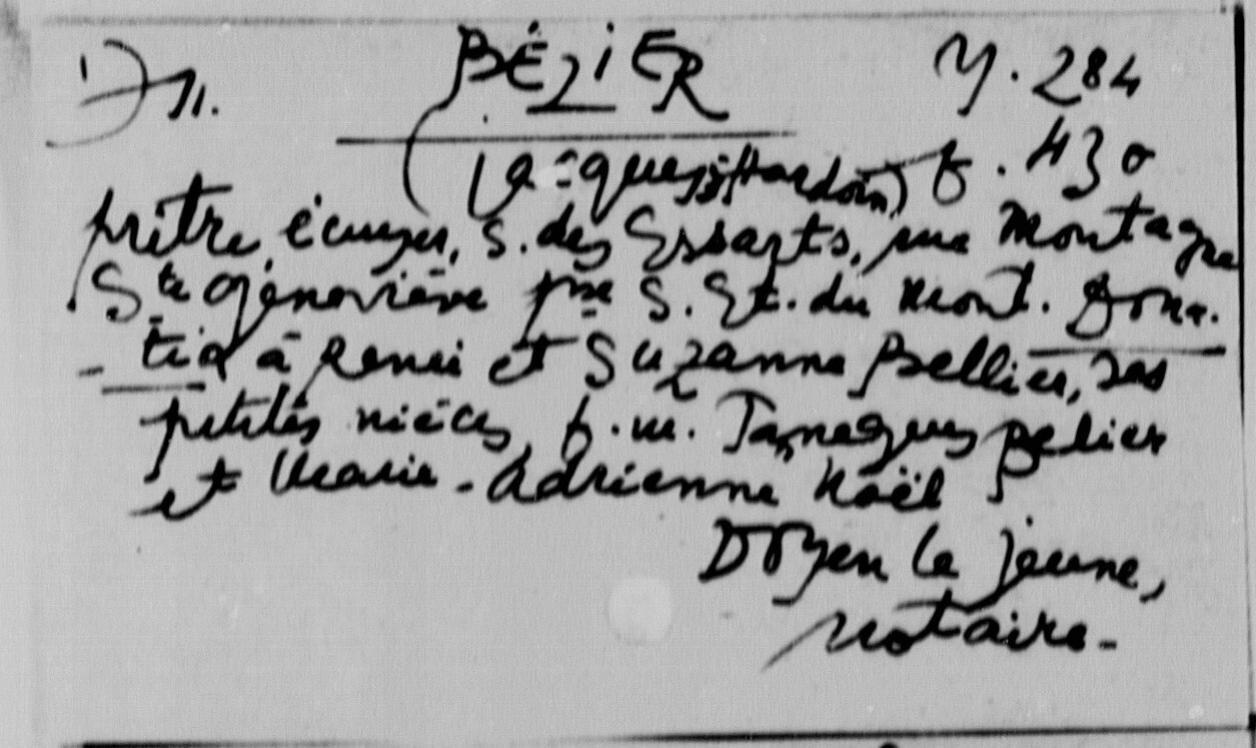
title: BÉLIER (Jacques-Hardoin)
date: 1711
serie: Y
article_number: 284
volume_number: fol. 430
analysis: Prêtre, écuyer, seigneur des Essarts, rue Montagne, Sainte-Geneviève paroisse Saint-Étienne-du-Mont. Donation à Renée et Suzanne Bellier, ses petites nièces, fille majeure Tanneguy Belier et Marie-Adrienne Noël. Doyen le jeune, notaire.
